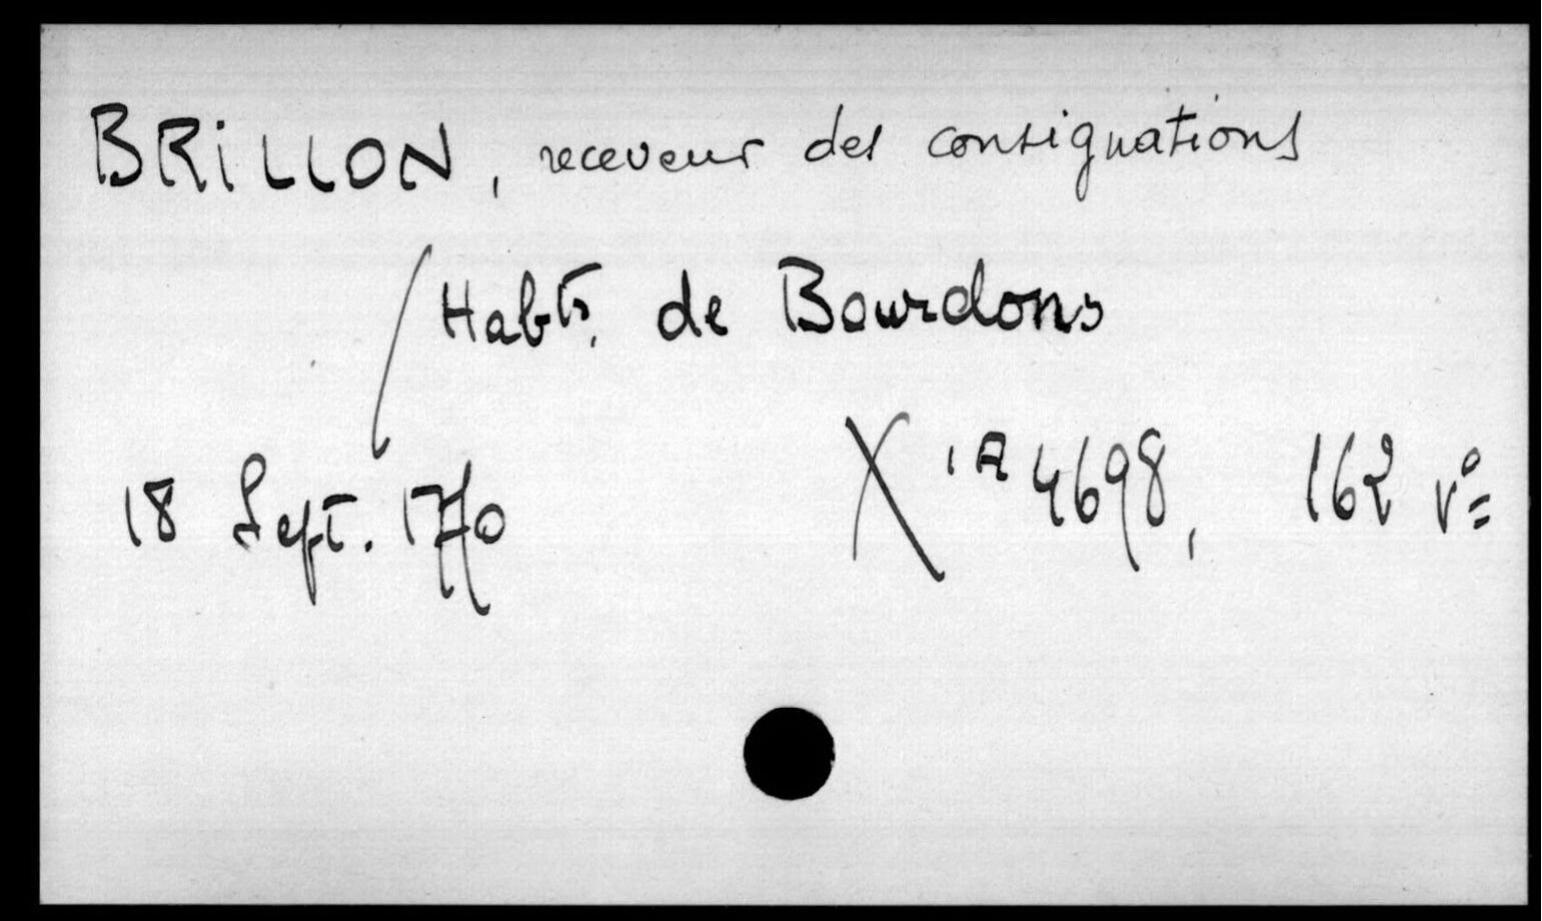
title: BRILLON, receveur des consignations
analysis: Contre Habitants de Bourdons
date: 18 septembre 1770
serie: X1A
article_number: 4698
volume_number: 162v
